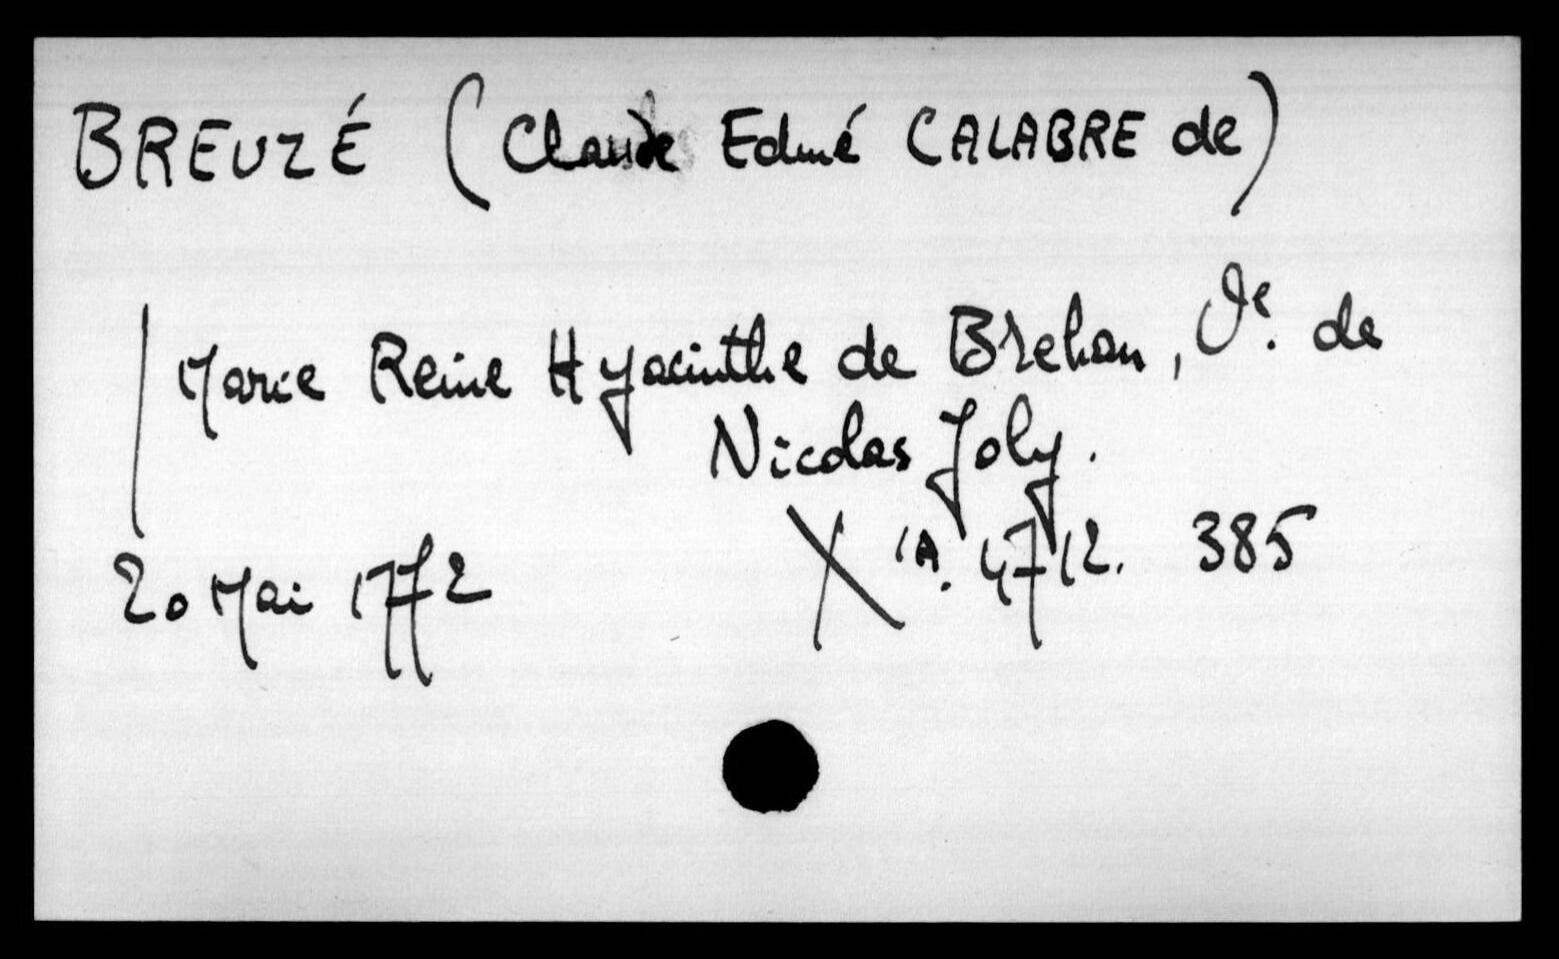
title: BREUZÉ (Claude Edmé CALABRE de)
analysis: Contre Marie Reine Hyacinthe de Brehan, veuve de Nicolas Joly
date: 20 mai 1772
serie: X1A
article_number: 4712
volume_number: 385
